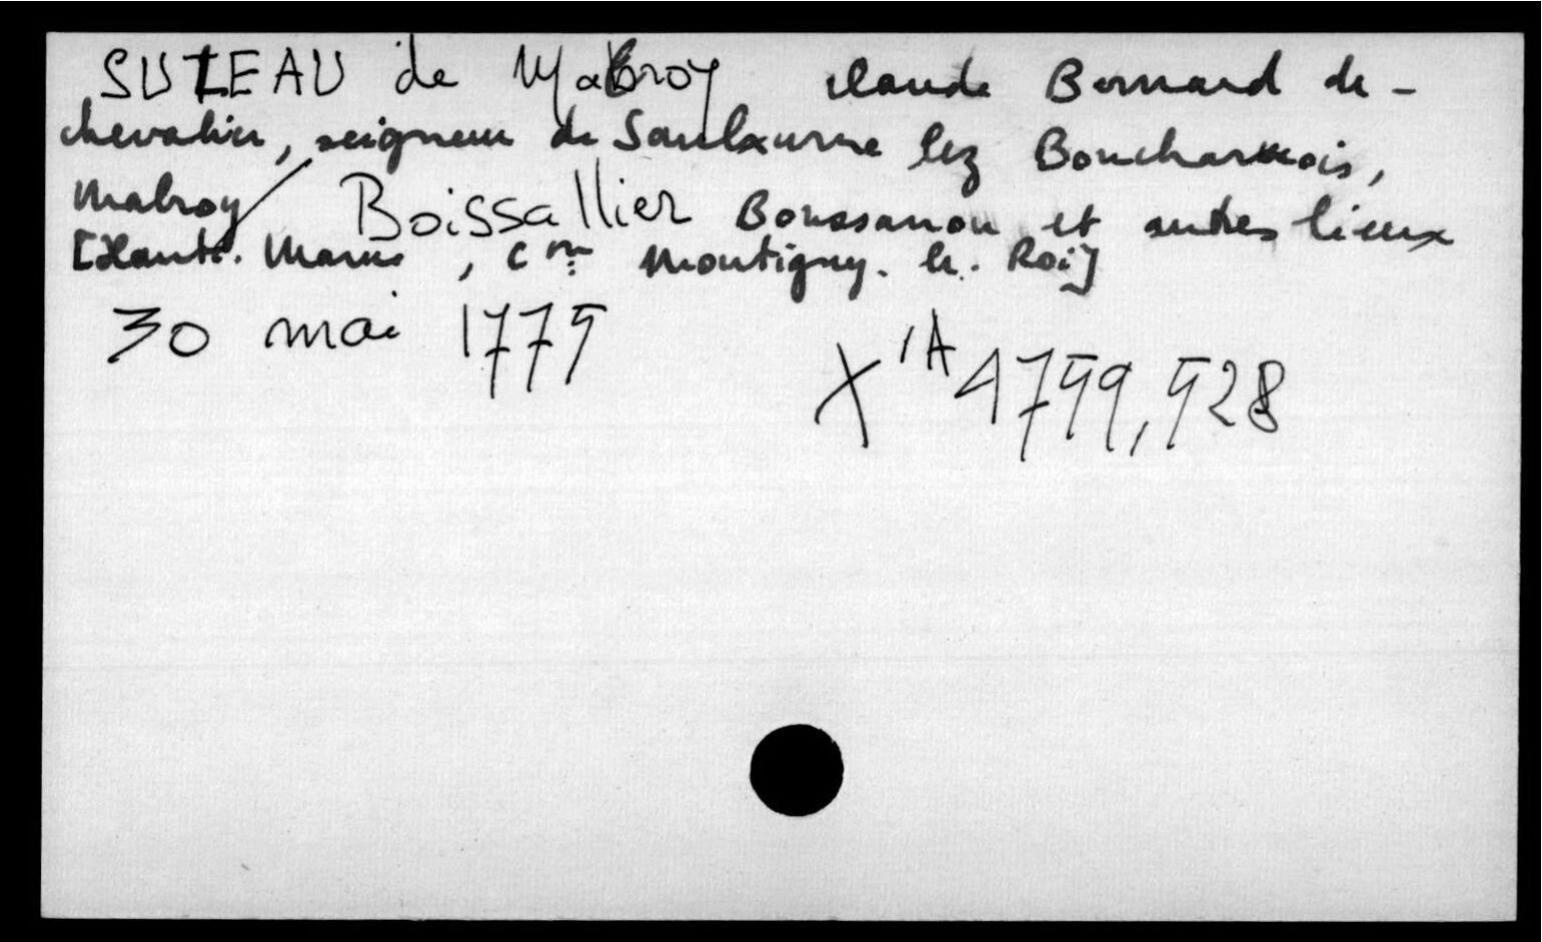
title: SULEAU de MALROY Claude Bernard de, chevalier, seigneur de Saulxure lez Boucharnois, Malroy, Boissalier, Boussanou et autres lieux [Haute-Marne, canton Montigny-le-Roi]
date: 30 mai 1775
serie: X1A
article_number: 4759
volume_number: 528
